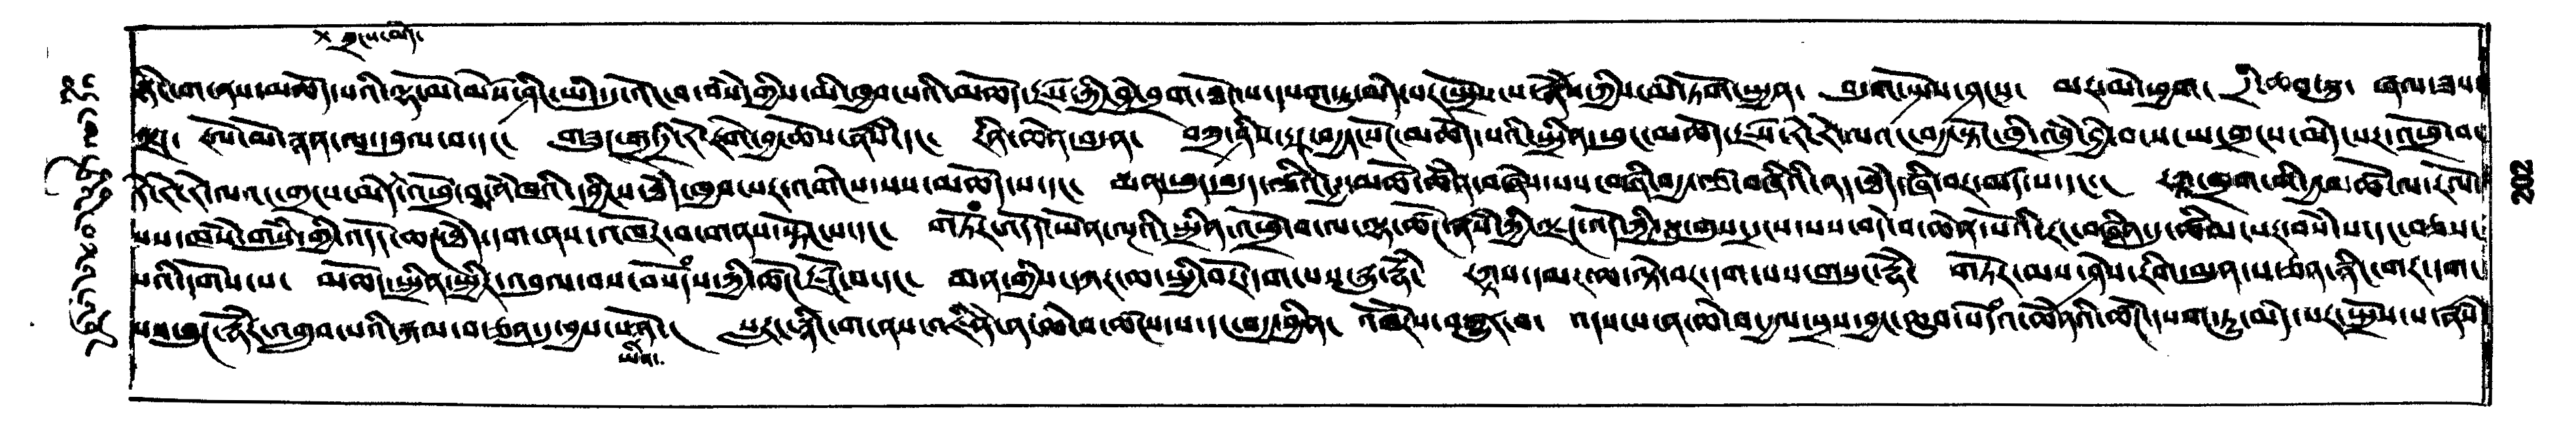སྙིང་ག་ནས་མཆོད་པའི་ལྷ་མོ་མཛེས་ཤིང་ཡིད་དུ་འོང་བ་བསམ་གྱིས་མི་ཁྱབ་པའི་མཆོད་རྫས་ཀྱི་བྱེ་བྲག་ཐོགས་པ་དཔག་ཏུ་མེད་པར་སྤྲོས་པ་རྣམས་ཀྱིས་མེ་ཏོག་སྤྱན། བདུག་སྤོས་ཤངས། མར་མེ་ཕྱག། དྲི་ཆབ་སྐུ། ཞལ་ཟས་
ལྗགས། རོལ་མོ་སྙན་ལ་དབུལ་བ་དང་། གཟུགས་སྒྲ་དྲི་རོ་རེག་བྱ་ཆོས་རྣམས་དང་། རིན་ཆེན་བདུན། བཀྲ་ཤིས་རྟགས་བརྒྱད་སོགས་མཆོད་པའི་སྤྲིན་ཕུང་མཆོད་རྫས་རེ་རེ་ལའང་བརྒྱ་སྟོང་ཁྲི་འབུམ་བྱེ་བ་ས་ཡ་གྲངས་མེད་པར་འཕྲོ་བ། 
རེ་རེ་ལའང་གྲངས་མེད་འཕྲོ་བས་ནམ་མཁའི་ཐམས་ཅད་ཁྱབ་པར་འགེངས་པས་མཆོད་པ་དང་། སྨན་ཕུད་བདུད་རྩི་རྒྱ་མཚོ་ཆེན་པོ་བཞེས་པས་བཞི་བརྒྱ་རྩ་བཞིའི་ནད་ཐམས་ཅད་ཞི་བར་མཛད་པ་དང་། རཀྟ་ཁྲག་གི་རྒྱ་མཚོ་ལ་རོལ་
པས་ཁམས་གསུམ་གྱི་འདོད་ཆགས་ཐམས་ཅད་དག་ནས་འཁོར་བ་གནས་སྟོངས་པ་དང་། གཏོར་མ་འདོད་ཡོན་ལྔའི་སྤྲིན་འཕྲོ་བ་ལ་ལྷ་ཚོགས་རྣམས་ཀྱི་ལྗགས་འོད་ཀྱི་སྦུ་གུས་དྲངས་པས་བདེ་བ་ཆེན་པོའི་རང་བཞིན་དུ་ཚིམ་པར་བསམ་པ་དང་བཅས་
པའི་དགོས་པ།མཆོད་སྤྲིན་སྤྱིར་ཕུལ་བས་བསོད་ནམས་ཀྱི་ཚོགས་རྫོགས་པ་དང་། སྨན་གྱིས་དཀར་ཆ་སྤྱི་བོར་དག་པས་སྐུ་རྡོ་རྗེ། རཀྟས་དམར་ཆ་ལྟེ་བར་དག་པས་གསུང་རྡོ་རྗེ། གཏོར་མས་ཤེས་རིག་མུན་པ་ཅན་སྙིང་གར་དག་
པས་ཐུགས་རྡོ་རྗེ་འགྲུབ་པའི་སྐལ་བ་ཅན་དུ་བྱས་པ་ཡིན་ནོ།། སླར་སྙིང་ག་ནས་འཇིག་རྟེན་ན་ཆེ་བ་ཚངས་པ་དང་བརྒྱ་བྱིན། འཁོར་ལོས་བསྒྱུར་བ། འདས་པ་ན་ཆེ་བ་རྒྱལ་སྲས་བྱང་ཆུབ་སེམས་དཔའ་ཆེན་པོའི་ཚོགས་དཔག་ཏུ་མེད་པར་སྤྲོས་པ་རྣམས་